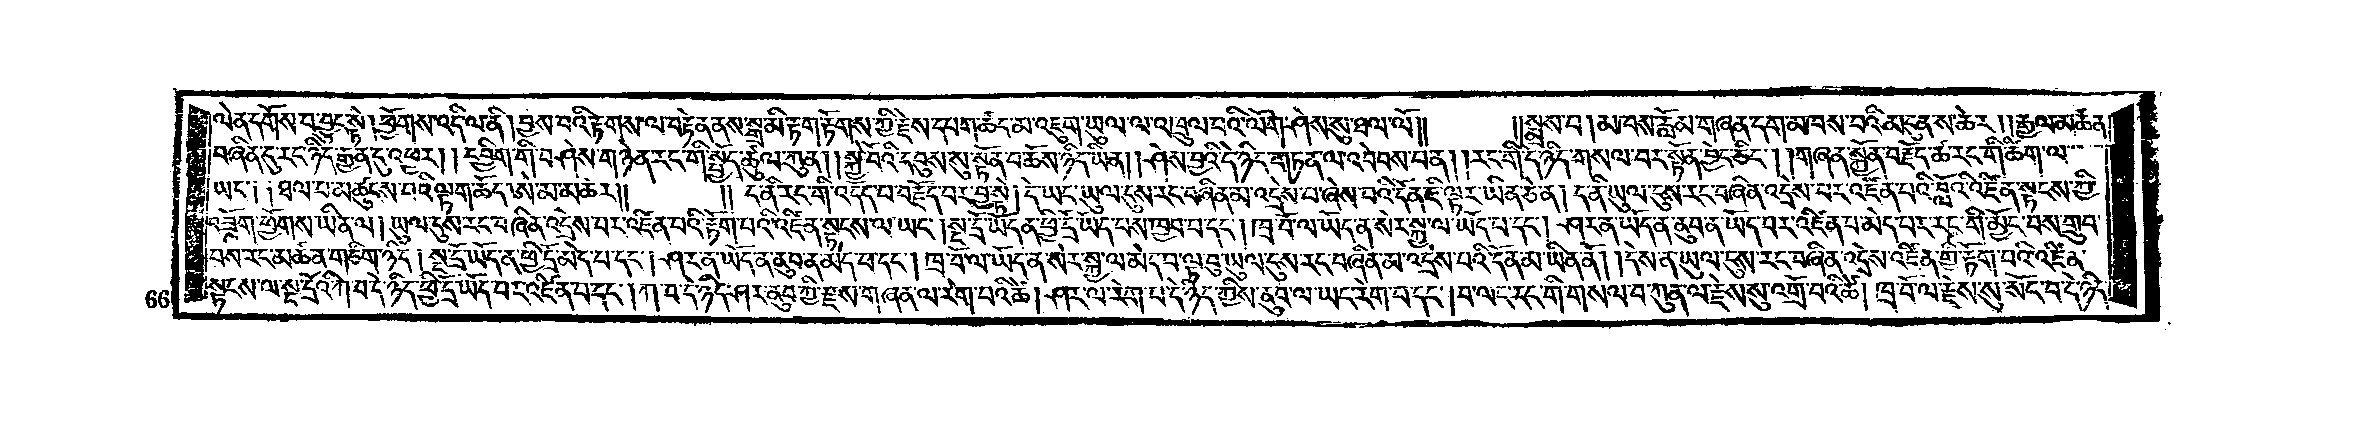ལེན་དགོས་པ་བྱུང་སྟེ། ཕྱོགས་འདི་ལ་ནི། བྱས་པའི་རྟགས་ལ་བརྟེན་ནས་སྒྲ་མི་རྟག་རྟོགས་ཀྱི་རྗེས་དཔག་ཚད་མ་འཇུག་ཡུལ་ལ་འཁྲུལ་པའི་ལོག་ཤེས་སུ་ཐལ་ལོ།། །།སྨྲས་པ། མཁས་རློམ་གཞན་དག་མཁས་པའི་མདུན་ས་ཆེར། །རྒྱལ་མཚན་
བཞིན་དུ་རང་ཉིད་རྒྱན་དུ་འཕྱིར། །དབྱིག་གི་བཤེས་གཉེན་རང་གི་སྤྱོད་ཚུལ་ཀུན། །སྐྱེ་བོའི་དབུས་སུ་སྟོན་པ་ཆོས་ཉིད་ཡིན། །ཤེས་བྱའི་དེ་ཉིད་གཏན་ལ་འབེབས་པ་ན། །རང་གི་དེ་ཉིད་གསལ་བར་སྟོན་བྱེད་ཅིང་། །གཞན་སྐྱོན་བརྗོད་ཚ་རང་གི་ཚིག་ལ་
ཡང་། །ཐལ་བ་མཚུངས་པའི་ལྟག་ཆོད་ཨེ་མ་མཚར།། །།ད་ནི་རང་གི་འདོད་པ་བརྗོད་པར་བྱ་སྟེ། དེ་ཡང་ཡུལ་དུས་རང་བཞིན་མ་འདྲེས་པ་ཞེས་པའི་དོན་ཇི་ལྟར་ཡིན་ཅེ་ན། ད་ནི་ཡུལ་དུས་རང་བཞིན་འདྲེས་པར་འཛིན་པའི་བློའི་འཛིན་སྟངས་ཀྱི་
བཟློག་ཕྱོགས་ཡིན་ལ། ཡུལ་དུས་རང་བཞིན་འདྲེས་པར་འཛིན་པའི་རྟོག་པའི་འཛིན་སྟངས་ལ་ཡང་། སྔ་དྲོ་ཡོད་ན་ཕྱི་དྲོ་ཡོད་པས་ཁྱབ་པ་དང་། ཁྲ་བོ་ལ་ཡོད་ན་སེར་སྐྱ་ལ་ཡོད་པ་དང་། ཤར་ན་ཡོད་ན་ནུབ་ན་ཡོད་པར་འཛིན་པ་མེད་པར་རང་གི་མྱོང་བས་གྲུབ་
པས་རང་མཚན་གཅིག་ཉིད། སྔ་དྲོ་ཡོད་ན་ཕྱི་དྲོ་མེད་པ་དང་། ཤར་ན་ཡོད་ན་ནུབ་ན་མེད་པ་དང་། ཁྲ་བོ་ལ་ཡོད་ན་སེར་སྐྱ་ལ་མེད་པ་ལྟ་བུ་ཡུལ་དུས་རང་བཞིན་མ་འདྲེས་པའི་དོན་མ་ཡིན་ནོ། །དེས་ན་ཡུལ་དུས་རང་བཞིན་འདྲེས་འཛིན་གྱི་རྟོག་པའི་འཛིན་
སྟངས་ལ་སྔ་དྲོའི་ཀ་བ་དེ་ཉིད་ཕྱི་དྲོ་ཡོད་པར་འཛིན་པ་དང་། ཀ་བ་དེ་ཉིད་ཤར་ནུབ་ཀྱི་རྫས་གཞན་ལ་རེག་པའི་ཚེ། ཤར་ལ་རེག་པ་དེ་ཉིད་ཀྱིས་ནུབ་ལ་ཡང་རེག་པ་དང་། བ་ལང་རང་གི་གསལ་བ་ཀུན་ལ་རྗེས་སུ་འགྲོ་བའི་ཚེ། ཁྲ་བོ་ལ་རྗེས་སུ་སོང་བ་དེ་ཉིད་